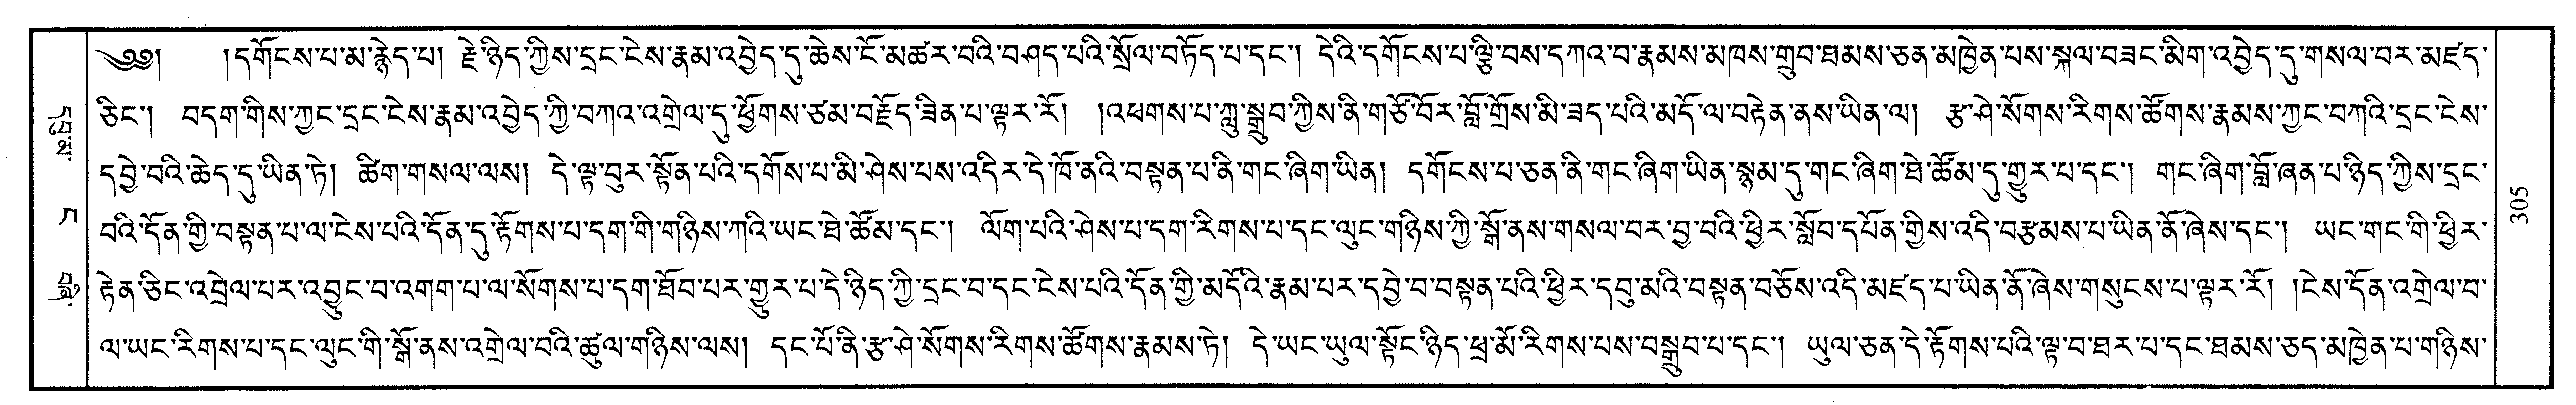༄༅། །དགོངས་པ་མ་རྙེད་པ། རྗེ་ཉིད་ཀྱིས་དྲང་ངེས་རྣམ་འབྱེད་དུ་ཆེས་ངོ་མཚར་བའི་བཤད་པའི་སྲོལ་བཏོད་པ་དང་། དེའི་དགོངས་པའི་ལྕི་བས་དཀའ་བ་རྣམས་མཁས་གྲུབ་ཐམས་ཅད་མཁྱེན་པས་སྐལ་བཟང་མིག་འབྱེད་དུ་གསལ་བར་མཛད་
ཅིང་། བདག་གིས་ཀྱང་དྲང་ངེས་རྣམ་འབྱེད་ཀྱི་བཀའ་འགྲེལ་དུ་ཕྱོགས་ཙམ་བརྗོད་ཟིན་པ་ལྟར་རོ། །འཕགས་པ་ཀླུ་སྒྲུབ་ཀྱིས་ནི་གཙོ་བོར་བློ་གྲོས་མི་ཟད་པའི་མདོ་ལ་བརྟེན་ནས་ཡིན་ལ། རྩ་ཤེ་སོགས་རིགས་ཚོགས་རྣམས་ཀྱང་བཀའི་དྲང་ངེས་
དབྱེ་བའི་ཆེད་དུ་ཡིན་ཏེ། ཚིག་གསལ་ལས། དེ་ལྟ་བུར་སྟོན་པའི་དགོས་པ་མི་ཤེས་པས་འདིར་དེ་ཁོ་ནའི་བསྟན་པ་ནི་གང་ཞིག་ཡིན། དགོངས་པ་ཅན་ནི་གང་ཞིག་ཡིན་སྙམ་དུ་གང་ཞིག་ཐེ་ཚོམ་དུ་གྱུར་པ་དང་། གང་ཞིག་བློ་ཞན་པ་ཉིད་ཀྱིས་དྲང་
བའི་དོན་གྱི་བསྟན་པ་ལ་ངེས་པའི་དོན་དུ་རྟོགས་པ་དག་གི་གཉིས་ཀའི་ཡང་ཐེ་ཚོམ་དང་། ལོག་པའི་ཤེས་པ་དག་རིགས་པ་དང་ལུང་གཉིས་ཀྱི་སྒོ་ནས་གསལ་བར་བྱ་བའི་ཕྱིར་སློབ་དཔོན་གྱིས་འདི་བརྩམས་པ་ཡིན་ནོ་ཞེས་དང་། ཡང་གང་གི་ཕྱིར་
རྟེན་ཅིང་འབྲེལ་པར་འབྱུང་བ་འགག་པ་ལ་སོགས་པ་དག་ཐོབ་པར་གྱུར་པ་དེ་ཉིད་ཀྱི་དྲང་བ་དང་ངེས་པའི་དོན་གྱི་མདོའི་རྣམ་པར་དབྱེ་བ་བསྟན་པའི་ཕྱིར་དབུ་མའི་བསྟན་བཅོས་འདི་མཛད་པ་ཡིན་ནོ་ཞེས་གསུངས་པ་ལྟར་རོ། །ངེས་དོན་འགྲེལ་བ་
ལ་ཡང་རིགས་པ་དང་ལུང་གི་སྒོ་ནས་འགྲེལ་བའི་ཚུལ་གཉིས་ལས། དང་པོ་ནི་རྩ་ཤེས་སོགས་རིགས་ཚོགས་རྣམས་ཏེ། དེ་ཡང་ཡུལ་སྟོང་ཉིད་ཕྲ་མོ་རིགས་པས་བསྒྲུབ་པ་དང་། ཡུལ་ཅན་དེ་རྟོགས་པའི་ལྟ་བ་ཐར་པ་དང་ཐམས་ཅད་མཁྱེན་པ་གཉིས་